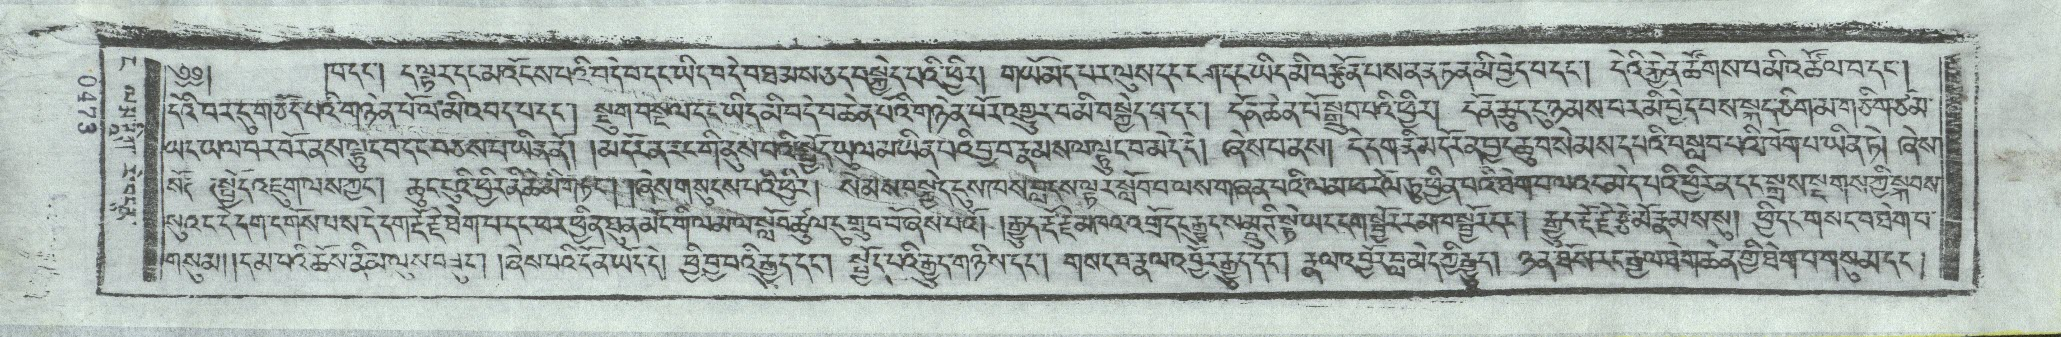༄༅། །པ་དང་། ད་ལྟར་དང་མ་འོངས་པའི་བདེ་བ་དང་ཡིད་བདེ་བ་ཐམས་ཅད་བསྐྱེད་པའི་ཕྱིར། གཡོ་མེད་པར་ལུས་དང་ངག་དང་ཡིད་མི་བརྩོན་པས་ནན་ཏན་མི་བྱེད་པ་དང་། དེའི་རྐྱེན་ཚོགས་བ་མི་འཚོལ་བ་དང་།
དེའི་བར་དུ་གཅོད་པའི་གཉེན་པོ་ལ་མི་འབད་པ་དང་། སྡུག་བསྔལ་དང་ཡིད་མི་བདེ་བ་ཆེན་པོའི་གཉེན་པོར་འགྱུར་བ་མི་བསྐྱེད་བ་དང་། དོན་ཆེན་པོ་སྒྲུབ་བའི་ཕྱིར། དོན་ཆེན་པོ་སྒྲུབ་བའི་ཕྱིར། དོན་ཆུང་དུ་ཉམས་བར་མི་བྱེད་བས་སྐད་ཅིག་མ་གཅིག་ཙམ་
ཡང་ཡལ་བར་བོར་ནས་ལྟུང་བ་དང་བཅས་པ་ཡིན་ནོ། །མདོར་ན་རང་གི་ནུས་པའི་སྤྱོད་ཡུལ་མ་ཡིན་པའི་བྱ་བ་རྣམས་ལ་ལྟུང་བ་མེད་དེ། ཞེས་པ་ནས། དེ་དག་ནི་མདོར་ན་བྱང་ཆུབ་སེམས་དཔའི་བསླབ་པའི་ཁོག་པ་ཡིན་ཏེ། ཞེས་
སོ༑ ༑སྤྱོད་འཇུག་ལས་ཀྱང་། ཆུང་ངུའི་ཕྱིར་ནི་ཆེ་མི་གཏང་། །ཞེས་གསུངས་པའི་ཕྱིར། སེམས་བསྐྱེད་དུས་ཁས་བླངས་ལྟར་སློབ་པ་ལས་གཞན་པའི་ལམ་ཕ་རོལ་ཏུ་ཕྱིན་པའི་ཐེག་པ་ལའང་མེད་པའི་ཕྱིར་ན་དང་སྒྲས་སྔགས་ཀྱི་སྐབས་
སུའང་དེ་དག་དགོས་པས་དེ་དག་རྡོ་རྗེ་ཐེག་པ་དང་ཕར་ཕྱིན་ཐུན་མོང་གི་ལམ་ལ་སློབ་ཚུལ་དུ་གྲུབ་པོ་ཞེས་པའོ། །རྒྱུད་རྡོ་རྗེ་མཁའ་འགྲོ་དང་རྒྱུད་སམྦུཊི་སྟེ་ཡང་དག་སྦྱོར་རམ་ཁ་སྦྱོར་དང་། རྒྱུད་རྡོ་རྗེ་རྩེ་མོ་རྣམས་སུ། ཕྱི་དང་གསང་བ་ཐེག་པ་
གསུམ། །དམ་པའི་ཆོས་ནི་མ་ལུས་བཟུང་། །ཞེས་པའི་དོན་ཡོད་དེ། ཕྱི་བྱ་བའི་རྒྱུད་དང་། སྤྱོད་པའི་རྒྱུད་གཉིས་དང་། གསང་བ་རྣལ་འབྱོར་རྒྱུད་དང་། རྣལ་འབྱོར་བླ་མེད་ཀྱི་རྒྱུད། ཉན་ཐོས་རང་རྒྱལ་པ་ཐེག་ཆེན་གྱི་ཐེག་པ་གསུམ་དང་།